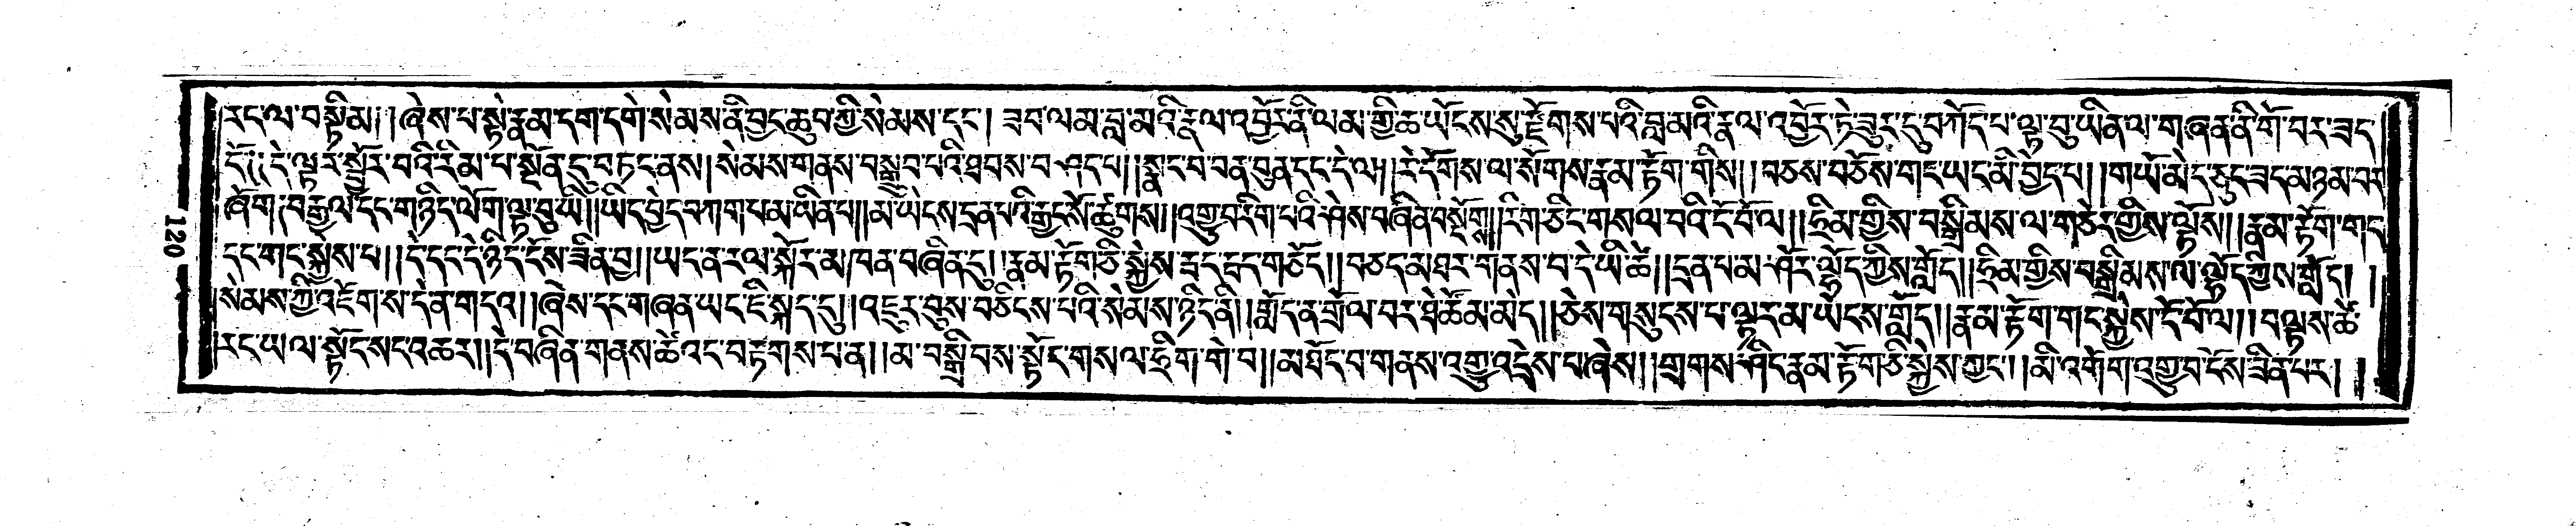རང་ལ་བསྟིམ། །ཞེས་པ་སྟེ་རྣམ་དག་དགེ་སེམས་ནི་བྱང་ཆུབ་ཀྱི་སེམས་དང་། ཟབ་ལམ་བླ་མའི་རྣལ་འབྱོར་ནི་ལམ་གྱི་ཆ་ཡོངས་སུ་རྫོགས་པའི་བླ་མའི་རྣལ་འབྱོར་ཏེ་ཟུར་དུ་བཀོད་པ་ལྟ་བུ་ཡིན་ལ་གཞན་ནི་གོ་བར་ཟད་
དོ། །དེ་ལྟར་སྦྱོར་བའི་རིམ་པ་སྔོན་དུ་བཏང་ནས། སེམས་གནས་བསྒྲུབ་པའི་ཐབས་བཤད་པ། །སྣང་བ་བན་བུན་དང་དེ་ལ། །རེ་དོགས་ལ་སོགས་རྣམ་རྟོག་གིས། །བཅས་བཅོས་གང་ཡང་མི་བྱེད་པ། །གཡོ་མེད་ཅུང་ཟད་མཉམ་པར་
ཞོག །བརྒྱལ་དང་གཉིད་ལོག་ལྟ་བུ་ཡི། །ཡིད་བྱེད་བཀག་པ་མ་ཡིན་པ། །མ་ཡེངས་དྲན་པའི་རྒྱང་སོ་ཚུགས། །འགྱུ་བ་རིག་པའི་ཤེས་བཞིན་བསྔོགས། རིག་ཅིང་གསལ་བའི་ངོ་བོ་ལ། །ཧྲིམ་གྱིས་བསྒྲིམས་ལ་གཅེར་གྱིས་ལྟོས། །རྣམ་རྟོག་གང་
དང་གང་སྐྱེས་པ། །དེ་དང་དེ་ཉིད་ངོས་ཟིན་བྱ། །ཡང་ན་རལ་སྐོར་མཁན་བཞིན་དུ། །རྣམ་རྟོག་ཅི་སྐྱེས་རྦད་རྦད་གཅོད། །བཅད་མཐར་གནས་པ་དེ་ཡི་ཚེ། །དྲན་པ་མ་ཤོར་ལྷོད་ཀྱིས་གློད། །ཧྲིམ་གྱིས་བསྒྲིམས་ལ་ལྷོད་ཀྱིས་གློད། །
སེམས་ཀྱི་འཇོག་ས་དེ་ན་གདའ། །ཞེས་དང་གཞན་ཡང་ཇི་སྐད་དུ། །འཇུར་བུས་བཅིངས་པའི་སེམས་ཉིད་ནི། །གློད་ན་གྲོལ་བར་ཐེ་ཚོམ་མེད། །ཅེས་གསུངས་པ་ལྟར་མ་ཡེངས་གློད། །རྣམ་རྟོག་གང་སྐྱེས་ངོ་བོ་ལ། །བལྟས་ཚེ་
རང་ཡལ་སྟོང་སང་འཆར། །དེ་བཞིན་གནས་ཚེའང་བརྟགས་པ་ན། །མ་བསྒྲིབས་སྟོང་གསལ་ཧྲིག་གེ་བ། །མཐོང་བ་གནས་འགྱུ་འདྲེས་པ་ཞེས། །གྲགས་ཤིང་རྣམ་རྟོག་ཅི་སྐྱེས་ཀྱང་། །མི་འགོག་འགྱུ་བ་ངོས་ཟིན་པར། །